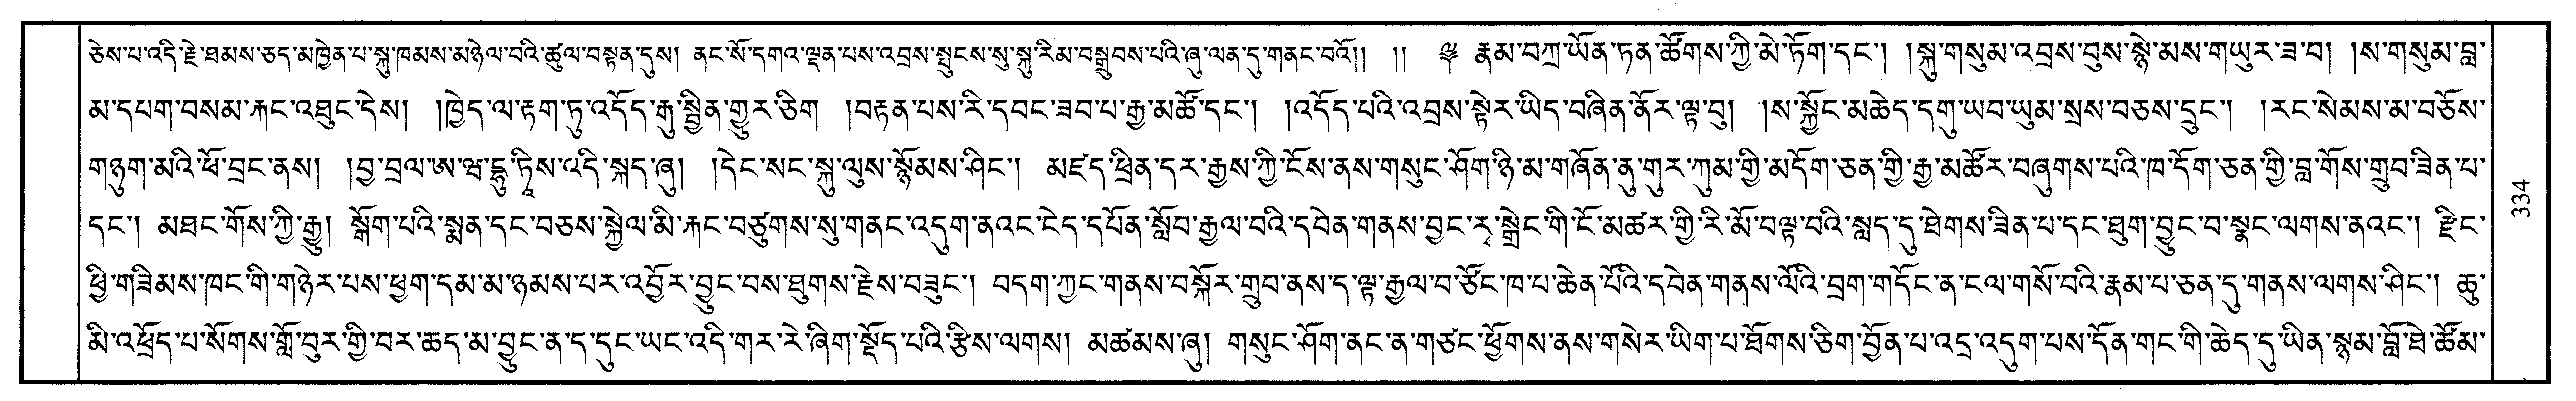ཅེས་པ་འདི་རྗེ་ཐམས་ཅད་མཁྱེན་པ་སྐུ་ཁམས་མཉེལ་བའི་ཚུལ་བསྟན་དུས། ནང་སོ་དགའ་ལྡན་པས་འབྲས་སྤུངས་སུ་སྐུ་རིམ་བསྒྲུབས་པའི་ཞུ་ལན་དུ་གནང་བའོ།། །། ༈ རྣམ་བཀྲ་ཡོན་ཏན་ཚོགས་ཀྱི་མེ་ཏོག་དང་། །སྐུ་གསུམ་འབྲས་བུས་སྙེ་མས་གཡུར་ཟ་བ། །ས་གསུམ་བླ་
མ་དཔག་བསམ་རྐང་འཐུང་དེས། །ཁྱེད་ལ་རྟག་ཏུ་འདོད་རྒུ་སྦྱིན་གྱུར་ཅིག །བརྟན་པས་རི་དབང་ཟབ་པ་རྒྱ་མཚོ་དང་། །འདོད་པའི་འབྲས་སྟེར་ཡིད་བཞིན་ནོར་ལྟ་བུ། །ས་སྐྱོང་མཆེད་དགུ་ཡབ་ཡུམ་སྲས་བཅས་དྲུང་། །རང་སེམས་མ་བཅོས་
གཉུག་མའི་ཕོ་བྲང་ནས། །བྱ་བྲལ་ཨ་ཝ་དྷུ་ཏཱིས་འདི་སྐད་ཞུ། །དེང་སང་སྐུ་ལུས་སྙོམས་ཤིང་། མཛད་ཕྲིན་དར་རྒྱས་ཀྱི་ངོས་ནས་གསུང་ཤོག་ཉི་མ་གཞོན་ནུ་གུར་ཀུན་གྱི་མདོག་ཅན་གྱི་རྒྱ་མཚོར་བཞུགས་པའི་ཁ་དོག་ཅན་གྱི་བླ་གོས་གྲུབ་ཟིན་པ་
དང་། མཐང་གོས་ཀྱི་རྒྱུ། སྒོག་པའི་སྨན་དང་བཅས་སྐྱེལ་མི་རྐང་བཙུགས་སུ་གནང་འདུག་ནའང་ངེད་དཔོན་སློབ་རྒྱལ་བའི་དབེན་གནས་བྱང་རྭ་སྒྲེང་གི་ངོ་མཚར་གྱི་རི་མོ་བལྟ་བའི་སླད་དུ་ཐེགས་ཟིན་པ་དང་ཐུག་བྱུང་བ་སྣང་ལགས་ནའང་། རྫིང་
ཕྱི་གཟིམས་ཁང་གི་གཉེར་པས་ཕྱག་དམ་མ་ཉམས་པར་འབྱོར་བྱུང་བས་ཐུགས་རྗེས་བཟུང་། བདག་ཀྱང་གནས་བསྐོར་གྲུབ་ནས་ད་ལྟ་རྒྱལ་བ་ཙོང་ཁ་པ་ཆེན་པོའི་དབེན་གནས་ལོའི་བྲག་གདོང་ན་ངལ་གསོ་བའི་རྣམ་པ་ཅན་དུ་གནས་ལགས་ཤིང་། ཆུ་
མི་འཕྲོད་པ་སོགས་གློ་བུར་གྱི་བར་ཆད་མ་བྱུང་ན་ད་དུང་ཡང་འདི་གར་རེ་ཞིག་སྡོད་པའི་རྩིས་ལགས། མཚམས་ཞུ། གསུང་ཤོག་ནང་ན་གཙང་ཕྱོགས་ནས་གསེར་ཡིག་པ་ཐོགས་ཅིག་བྱོན་པ་འདྲ་འདུག་པས་དོན་གང་གི་ཆེད་དུ་ཡིན་སྙམ་བློ་ཐེ་ཚོམ་